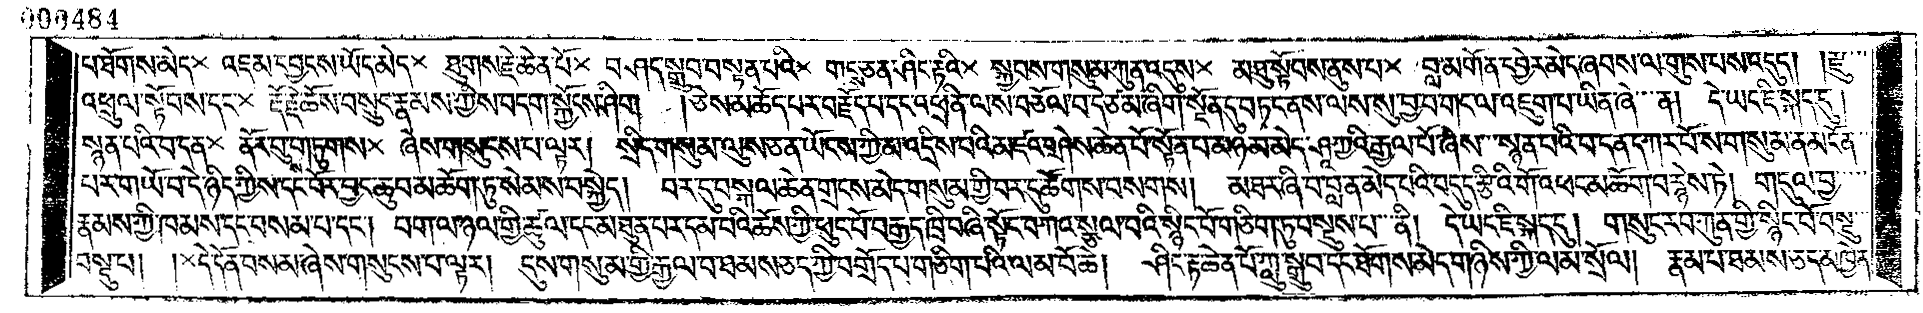པ་ཐོགས་མེད྾་འཇམ་དབྱངས་ཡོད་མེད྾་ཐུགས་རྗེ་ཆེན་པོ྾་བཤད་སྒྲུབ་བསྟན་པའི྾་གངས་ཅན་ཤིང་རྟའི྾་སྐྱབས་གསུམ་ཀུན་འདུས྾་མཐུ་སྟོབས་ནུས་པ྾་བླ་མགོན་དབྱེར་མེད་ཞབས་ལ་གུས་པས་འདུད། །རྫུ་
འཕྲུལ་སྟོབས་དང྾་རྡོ་རྗེ་ཆོས་བསྲུང་རྣམས་ཀྱིས་བདག་སྐྱོངས་ཤིག །ཅེས་མཆོད་པར་བརྗོད་པ་དང་འཕྲིན་ལས་བཅོལ་བ་དེ་ཙམ་ཞིག་སྔོན་དུ་བཏང་ནས་ལས་སུ་བྱ་བ་གང་ལ་འཇུག་པ་ཡིན་ཞེ་ན། དེ་ཡང་ཇི་སྐད་དུ།
སྙན་པའི་བ་དན྾་ནོར་བུས་གཏུགས྾་ཞེས་གསུངས་པ་ལྟར། སྲིད་གསུམ་ལུས་ཅན་ཡོངས་ཀྱི་མ་འདྲིས་པའི་མཛའ་བཤེས་ཆེན་པོ་སྟོན་པ་མཉམ་མེད་ཤཱཀྱའི་རྒྱལ་པོ་ཞེས་སྙན་པའི་བ་དན་དཀར་པོ་ས་གསུམ་ན་མངོན་
པར་གཡོ་བ་དེ་ཉིད་ཀྱིས་དང་པོར་བྱང་ཆུབ་མཆོག་ཏུ་སེམས་བསྐྱེད། བར་དུ་བསྐལ་ཆེན་གྲངས་མེད་གསུམ་གྱི་བར་དུ་ཚོགས་བསགས། མཐར་ཞི་བ་བླ་ན་མེད་པའི་བདུད་རྩིའི་གོ་འཕང་མཆོག་བརྙེས་ཏེ། གདུལ་བྱ་
རྣམས་ཀྱི་ཁམས་དང་བསམ་པ་དང་། བག་ལ་ཉལ་གྱི་ཚུལ་དང་མཐུན་པར་དམ་པའི་ཆོས་ཀྱི་ཕུང་པོ་བརྒྱད་ཁྲི་བཞི་སྟོང་བཀའ་སྩལ་བའི་སྙིང་པོ་གཅིག་ཏུ་བསྡུས་པ་ནི། དེ་ཡང་ཇི་སྐད་དུ། གསུང་རབ་ཀུན་གྱི་སྙིང་པོ་བསྡུ་
བསྡུ་པ། །྾་དེ་དོན་བསམ་ཞེས་གསུངས་པ་ལྟར། དུས་གསུམ་གྱི་རྒྱལ་བ་ཐམས་ཅད་ཀྱི་བགྲོད་པ་གཅིག་པའི་ལམ་པོ་ཆེ། ཤིང་རྟ་ཆེན་པོ་ཀླུ་སྒྲུབ་དང་ཐོགས་མེད་གཉིས་ཀྱི་ལམ་སྲོལ། རྣམ་པ་ཐམས་ཅད་མཁྱེན་